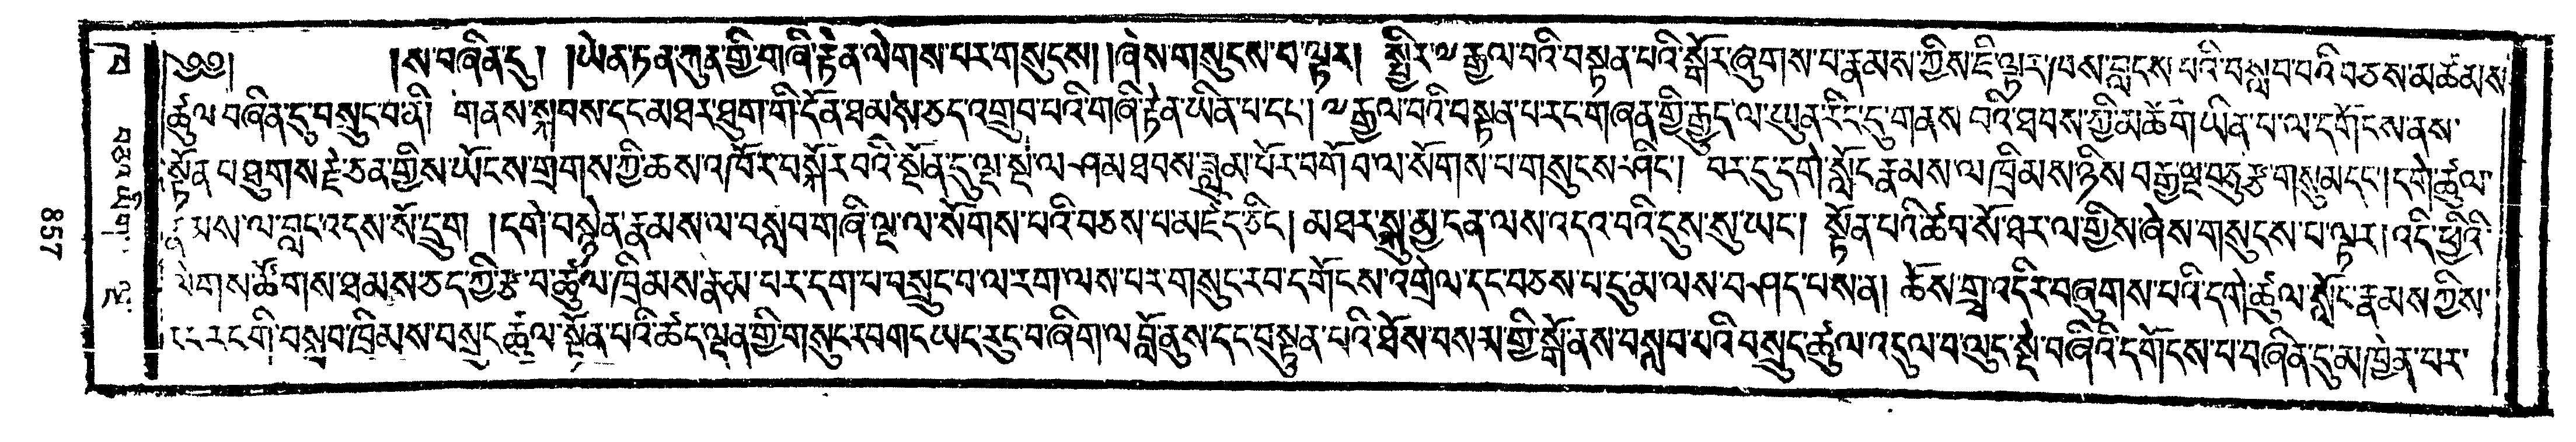༄༅། །ས་བཞིན་དུ། །ཡོན་ཏན་ཀུན་གྱི་གཞི་རྟེན་ལེགས་པར་གསུངས། །ཞེས་གསུངས་བ་ལྟར། སྤྱིར་༧་རྒྱལ་བའི་བསྟན་པའི་སྒོར་ཞུགས་པ་རྣམས་ཀྱིས་ཇི་ལྟར་ཁ་ས་བླངས་པའི་བསླབ་པའི་བཅས་མཚམས་
ཚུལ་བཞིན་དུ་བསྲུང་བ་ནི། གནས་སྐབས་དང་མཐར་ཐུག་གི་དོན་ཐམས་ཅད་འགྲུབ་པའི་གཞི་རྟེན་ཡིན་པ་དང་། ༧་རྒྱལ་བའི་བསྟན་པ་རང་གཞན་གྱི་རྒྱུད་ལ་ཡུན་རིང་དུ་གནས་བའི་ཐབས་ཀྱི་མཆོག་ཡིན་པ་ལ་དགོངས་ནས་
སྟོན་པ་ཐུགས་རྗེ་ཅན་གྱིས་ཡོངས་གྲགས་ཀྱི་ཆས་འཁོར་བསྐོར་བའི་སྔོན་དུ་ལྔ་སྔེ་ལ་ཤམ་ཐབས་ཟླུམ་པོར་བགོ་བ་ལ་སོགས་པ་གསུངས་ཤིང་། བར་དུ་དགེ་སློང་རྣམས་ལ་ཁྲིམས་ཉིས་བརྒྱ་ལྔ་བཅུ་རྩ་གསུམ་དང་། དགེ་ཚུལ་
རྣམས་ལ་བླང་འདས་སོ་དྲུག །དགེ་བསྙེན་རྣམས་ལ་བསླབ་གཞི་ལྔ་ལ་སོགས་པའི་བཅས་པ་མཛད་ཅིང་། མཐར་སྐུ་མྱ་ངན་ལས་འདའ་བའི་དུས་སུ་ཡང་། སྟོན་པའི་ཚབ་སོ་ཐར་ལ་གྱིས་ཞེས་གསུངས་པ་ལྟར། འདི་ཕྱིའི་
ལེགས་ཚོགས་ཐམས་ཅད་ཀྱི་རྩ་བ་ཚུལ་ཁྲིམས་རྣམ་པར་དག་པ་བསྲུང་བ་ལ་རག་ལས་བར་གསུང་རབ་དགོངས་འགྲེལ་དང་བཅས་པ་དུ་མ་ལས་བཤད་པས་ན། ཆོས་གྲྭ་འདིར་བཞུགས་པའི་དགེ་ཚུལ་སློང་རྣམས་ཀྱིས་
རང་རང་གི་བསླབ་ཁྲིམས་བསྲུང་ཚུལ་སྟོན་པའི་ཚད་ལྡན་གྱི་གསུང་རབ་གང་ཡང་རུང་བ་ཞིག་ལ་བློ་ནུས་དང་བསྟུན་པའི་ཐོས་བསམ་གྱི་སྒོ་ནས་བསླབ་པའི་བསྲུང་ཚུལ་འདུལ་བ་ལུང་སྡེ་བཞིའི་དགོངས་པ་བཞིན་དུ་མཁྱེན་པར་